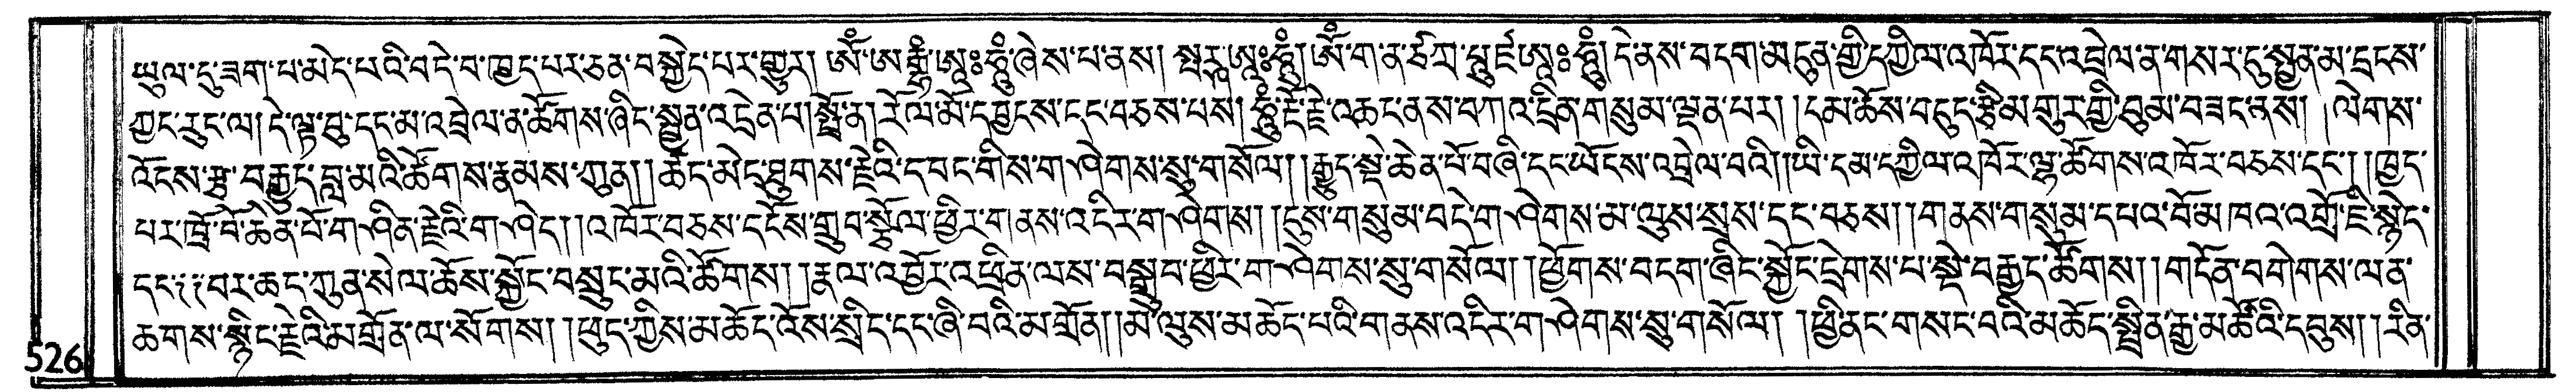ཡུལ་དུ་ཟག་པ་མེད་པའི་བདེ་བ་ཁྱད་པར་ཅན་བསྐྱེད་པར་གྱུར། ཨོཾ་ཨརྒྷཾ་ཨཱཿ ཧཱུཾ་ཞེས་པ་ནས། སྤརྴ་ཨཱཿ ཧཱུཾ། ཨོཾ་ག་ན་ཙ་ཀྲ་པཱུ་ཛ་ཨཱཿ ཧཱུཾ། དེ་ནས་བདག་མདུན་གྱི་དཀྱིལ་འཁོར་དང་འབྲེལ་ན་གསར་དུ་སྤྱན་མ་དྲངས་
ཀྱང་རུང་ལ། དེ་ལྟ་བུ་དང་མ་འབྲེལ་ན་ཚོགས་ཞིང་སྤྱན་འདྲེན་པ། སྤྲོ་ན། རོལ་མོ་དབྱངས་དང་བཅས་པས། ཧཱུཾ་རྡོ་རྗེ་འཆང་ནས་བཀའ་དྲིན་གསུམ་ལྡན་པར། །དམ་ཆོས་བདུད་རྩི་མགུར་གྱི་བུམ་བཟང་ནས། །ལེགས་
འོངས་རྩ་བརྒྱུད་བླ་མའི་ཚོགས་རྣམས་ཀུན། །ཚད་མེད་ཐུགས་རྗེའི་དབང་གིས་གཤེགས་སུ་གསོལ། །རྒྱུད་སྡེ་ཆེན་པོ་བཞི་དང་ཡོངས་འབྲེལ་བའི། །ཡི་དམ་དཀྱིལ་འཁོར་ལྷ་ཚོགས་འཁོར་བཅས་དང་། །ཁྱད་
པར་ཁྲོ་བོ་ཆེན་པོ་གཤིན་རྗེའི་གཤེད། །འཁོར་བཅས་དངོས་གྲུབ་སྩོལ་ཕྱིར་གནས་འདིར་གཤེགས། །དུས་གསུམ་བདེ་གཤེགས་མ་ལུས་སྲས་དང་བཅས། །གནས་གསུམ་དཔའ་བོ་མཁའ་འགྲོ་ཇི་སྙེད་
དང༑ ༑བར་ཆད་ཀུན་སེལ་ཆོས་སྐྱོང་བསྲུང་མའི་ཚོགས། །རྣལ་འབྱོར་འཕྲིན་ལས་བསྒྲུབ་ཕྱིར་གཤེགས་སུ་གསོལ། །ཕྱོགས་བདག་ཞིང་སྐྱོང་དྲེགས་པ་སྡེ་བརྒྱད་ཚོགས། །གདོན་བགེགས་ལན་
ཆགས་སྙིང་རྗེའི་མགྲོན་ལ་སོགས། །ཕུད་ཀྱིས་མཆོད་འོས་སྲིད་དང་ཞི་བའི་མགྲོན། །མ་ལུས་མཆོད་པའི་གནས་འདིར་གཤེགས་སུ་གསོལ། །ཕྱི་ནང་གསང་བའི་མཆོད་སྤྲིན་རྒྱ་མཚོའི་དབུས། །རིན་